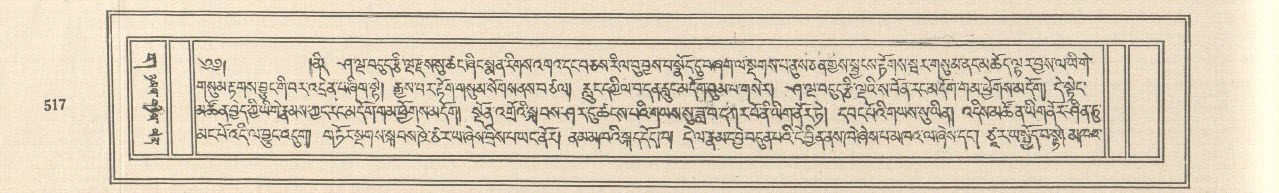༄༅། །ནི༑ ཤ་ལྔ་བདུད་རྩི་ལྔ་རྫས་སུ་ཚང་ཞིང་སྨན་རིགས་འགའ་དང་བཅས་རིལ་བུ་བྱས་པ་སྣོད་དུ་བཞག་ལ་སྔགས་པ་ནུས་ཅན་གྱིས་སྦྱངས་རྟོགས་སྤར་གསུམ་ནང་མཆོད་ལྟར་བྱས་ལ་ཡི་གེ་
གསུམ་རྟགས་བྱུང་གི་བར་འདྲེན་པ་ཞིག་སྟེ། རྒྱས་པར་རྟོག་གསུམ་སོགས་ནས་བཙལ། རླུང་དཀྱིལ་བ་དན་རླུང་མདོག་བུམ་པ་གསེར། ཤ་ལྔ་བདུད་རྩི་ལྔའི་ས་བོན་རང་མདོག་གམ་ཕྱོགས་མདོག། དེ་སྟེང་
མཚོན་བྱེད་ཀྱི་ཡི་གེ་རྣམས་ཀྱང་རང་མདོག་གམ་ཕྱོགས་མདོག། སྔོན་འགྲོའི་སྐབས་ཤར་དུ་ཚངས་པའི་གཡས་སུ་ཟླ་བ་དཀར་པོ་ནི་ཡིག་ནོར་ཏེ། དབང་པོའི་གཡས་སུ་ཡིན། འདིས་མཚོན་ཡིག་ནོར་ཤིན་ཏུ་
མང་པོ་འདི་ལ་བྱུང་འདུག། གཏོར་སྔགས་སྐབས་ཥེ་ཙ་ར་ཡ་ཞེས་བྲིས་པ་ཡང་ནོར། ནམ་མཁའི་སྐད་དོད་ཁ། དེ་ལ་རྣམ་དབྱེ་བདུན་པའི་དེ་བྱིན་ནས་ཁེ་ཞེས་པ་མཁའ་ལ་ཞེས་དང་། ཙཱ་ར་ཡ་སྤྱོད་བ་སྟེ། མཁའ་